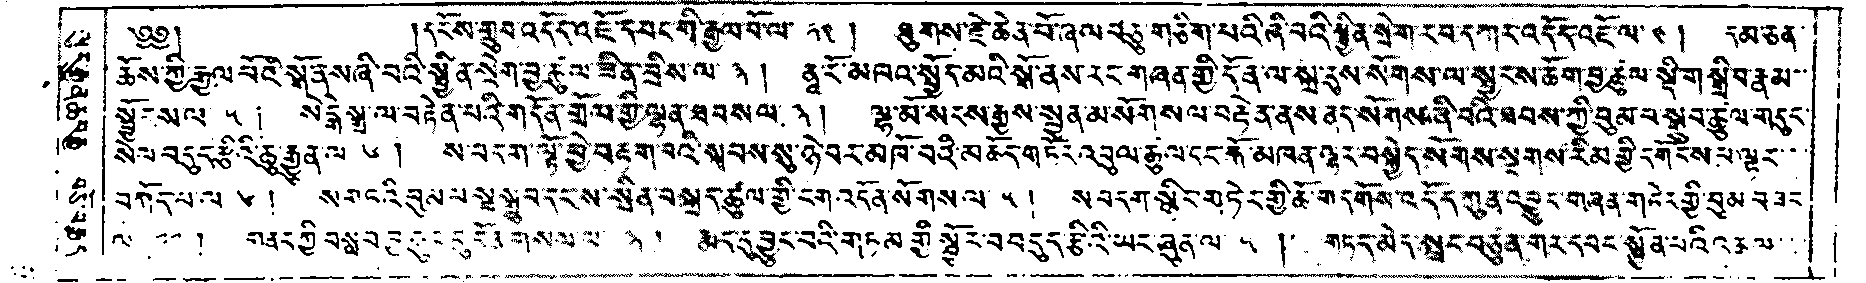༄༅། །དངོས་གྲུབ་འདོད་འཇོ་དབང་གི་རྒྱལ་པོ་ལ ༢༤། ཐུགས་རྗེ་ཆེན་པོ་ཞལ་བཅུ་གཅིག་པའི་ཞི་བའི་སྦྱིན་སྲེག་རབ་དཀར་འདོད་འཇོ་ལ ༤། དམ་ཅན་
ཆོས་ཀྱི་རྒྱལ་པོའི་སྒོ་ནས་ཞི་བའི་སྤྱིན་སྲེག་བྱ་ཚུལ་ཟིན་བྲིས་ལ ༣། ནཱ་རོ་མཁའ་སྤྱོད་མའི་སྒོ་ནས་རང་གཞན་གྱི་དོན་ལ་སྐྲ་རུས་སོགས་ལ་སྦྱངས་ཆོག་བྱ་ཚུལ་སྡིག་སྒྲིབ་རྣམ་
སྦྱོངས་ལ ༥། སེངྒེ་སྒྲ་ལ་བརྟེན་པའི་གདོན་གྲོལ་གྱི་ལྷན་ཐབས་ལ ༣། ལྷ་མོ་སངས་རྒྱས་སྤྱན་མ་སོགས་ལ་བརྟེན་ནས་ནད་སོགས་ཞི་བའི་ཐབས་ཀྱི་བུམ་པ་སྒྲུབ་ཚུལ་གདུང་
སེལ་བདུད་རྩིའི་ཆུ་རྒྱུན་ལ ༦། ས་བདག་ལྟོ་ཕྱེ་བརྟག་པའི་སྐབས་སུ་ཉེ་བར་མཁོ་བའི་མཆོད་གཏོར་འབུལ་ཚུལ་དང་རྐོ་མཁན་ལྷར་བསྐྱེད་སོགས་སྔགས་རིམ་གྱི་དགོངས་པ་ལྟར་
བཀོད་པ་ལ ༦། ས་གཏའི་བུམ་པ་སྦ་སྒྲུབ་དང་ས་སྲིན་བསྐྲད་ཚུལ་གྱི་ངག་འདོན་སོགས་ལ ༥། ས་བདག་སྙིང་གཏེར་གྱི་ཆོ་ག་དགོས་འདོད་ཀུན་འབྱུང་གཞན་གཏེར་གྱི་བུམ་བཟང་
ལ ༡༡། གནད་ཀྱི་བསླབ་བྱ་ཉུང་དུ་དོན་གསལ་ལ ༣། རྨད་དུ་བྱུང་བའི་གཏམ་གྱི་སྦྱོར་བ་བདུད་རྩིའི་ཡང་ཞུན་ལ ༥། གཏད་མེད་སྤྲང་གར་དབང་སྨྱོན་པའི་འཆལ་